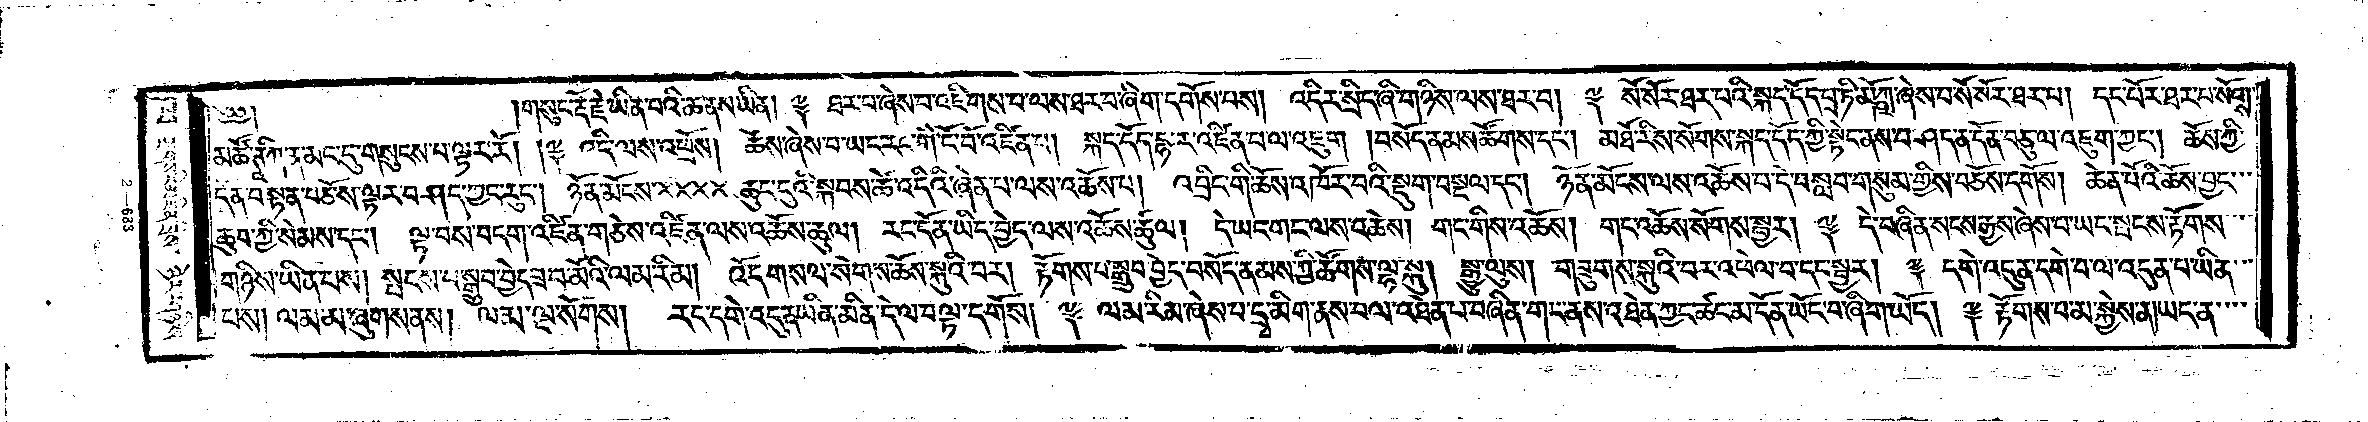༄༅། །གསུང་རྡོ་རྗེ་ཡིན་པའི་ཆ་ནས་ཡིན། ༈ ཐར་པ་ཞེས་པ་འཇིགས་པ་ལས་ཐར་བ་ཞིག་དགོས་པས། འདིར་སྲིད་ཞི་གཉིས་ལས་ཐར་བ། ༈ སོ་སོར་ཐར་པའི་སྐད་དོད་པྲ་ཏི་མོཀྵ་ཞེས་པ་སོ་སོར་ཐར་པ། དང་པོར་ཐར་པ་སོགས་
མཚོ་ཊཱཀི་ན་མང་དུ་གསུངས་པ་ལྟར་རོ། །༈ འདི་ལས་འཕྲོས། ཆོས་ཞེས་པ་ཡང་རང་གི་ངོ་བོ་འཛིན་པ། སྐད་དོད་དྷ་ར་འཛིན་པ་ལ་འཇུག །བསོད་ནམས་ཚོགས་དང་། མཐོ་རིས་སོགས་སྐད་དོད་ཀྱི་སྟེང་ནས་བཤད་ན་དོན་བཅུ་ལ་འཇུག་ཀྱང་། ཆོས་ཀྱི་
དོན་བསྟན་བཅོས་ལྟར་བཤད་ཀྱང་རུང་། ཉོན་མོངས་྾྾྾་ཆུང་ངུའི་སྐབས་ཚེ་འདིའི་ཞེན་པ་ལས་འཆོས་པ། འབྲིང་གི་ཆོས་འཁོར་བའི་སྡུག་བསྔལ་དང་། ཉོན་མོངས་ལས་འཆོས་པ་དེ་བསླབ་གསུམ་གྱིས་བཅོས་དགོས། ཆེན་པོའི་ཆོས་བྱང་
ཆུབ་ཀྱི་སེམས་དང་། ལྟ་བས་བདག་འཛིན་གཅེས་འཛིན་ལས་འཆོས་ཆུལ། རང་དོན་ཡིད་བྱེད་ལས་འཆོས་ཚུལ། དེ་ཡང་གང་ལས་འཆེས། གང་གིས་འཆོས། གང་འཆོས་སོགས་སྦྱར། ༈ དེ་བཞིན་སངས་རྒྱས་ཞེས་པ་ཡང་སྤངས་རྟོགས་
གཉིས་ཡིན་པས། སྤངས་པ་སྒྲུབ་བྱེད་ཟབ་མོའི་ལམ་རིམ། འོད་གསལ་སོགས་ཆོས་སྐུའི་བར། རྟོགས་པ་སྒྲུབ་བྱེད་བསོད་ནམས་ཀྱི་ཚོགས་ལྷ་སྐུ། སྒྱུ་ལུས། གཟུགས་སྐུའི་བར་འཕེལ་བ་དང་སྦྱར། ༈ དགེ་འདུན་དགེ་བ་ལ་འདུན་པ་ཡིན་
པས། ལམ་མ་ཞུགས་ནས། ལམ་ལྔ་སོགས། རང་དགེ་འདུན་ཡིན་མིན་དེ་ལ་བལྟ་དགོས། ༈ ལམ་རིམ་ཞེས་པ་དྲྭ་མིག་ནས་བལ་འཐེན་པ་བཞིན་གང་ནས་འཐེན་ཀྱང་ཚང་མ་དོན་ཡོང་བ་ཞིག་ཡོད། ༈ རྟོགས་པ་མ་སྐྱེས་ན། ཡང་ན་